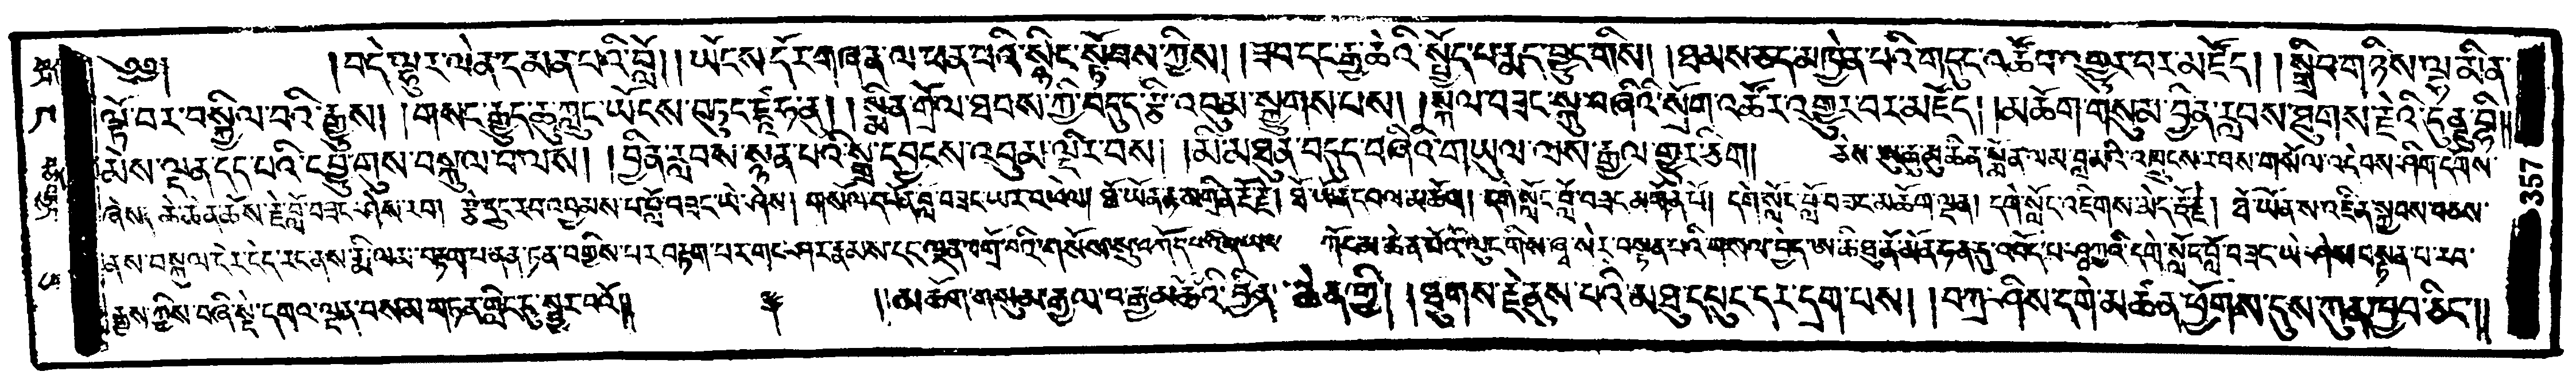༄༅། །བདེ་ལྷུར་ལེན་དམན་པའི་བློ། །ཡོངས་དོར་གཞན་ལ་ཕན་པའི་སྙིང་སྟོབས་ཀྱིས། །ཟབ་དང་རྒྱ་ཆེའི་སྤྱོད་པ་རྨད་བྱུང་གིས། །ཐམས་ཅད་མཁྱེན་པའི་གདུང་འཚོ་བ་འགྱུར་བར་མཛོད། །སྒྲིབ་གཉིས་ལྷ་མིན་
ལྟོ་བར་བསྐྱིལ་བའི་རྒྱུས། །གསང་རྒྱུད་ཆུ་ཀླུང་ཡོངས་བཏུང་ཛཱ་ཧ་ནུ། །སྨིན་གྲོལ་ཐབས་ཀྱི་བདུད་རྩི་འབུམ་སྐྱུགས་པས། །སྐལ་བཟང་སྐུ་བཞིའི་སྲོག་འཚོར་འགྱུར་བར་མཛོད། །མཆོག་གསུམ་བྱིན་རླབས་ཐུགས་རྗེའི་དུནྡུ་བྷི།།
མེས་ལྡན་དད་པའི་དབྱུ་གུས་བསྐུལ་བ་ལས། །བྱིན་རླབས་སྙན་པའི་སྒྲ་དབྱངས་འབུམ་ལྡིར་བས། །མི་མཐུན་བདུད་བཞིའི་གཡུལ་ལས་རྒྱལ་གྱུར་ཅིག །ཅེས་ཨུ་ཆུ་མུ་ཆིན་སྨོན་ལམ་བླ་མའི་འཁྲུངས་རབས་གསོལ་འདེབས་ཤིག་དགོས་
ཞེས། ཆེ་ཆེན་ཆོས་རྗེ་བློ་བཟང་ཤེས་རབ། རྩེ་དྲུང་རབ་འབྱམས་པ་བློ་བཟང་ཡེ་ཤེས། གསོལ་དཔོན་བློ་བཟང་ཡར་འཕེལ། ཐོ་ཡོན་རྟ་མགྲིན་རྡོ་རྗེ། ཐོ་ཡོན་དཔལ་མཆོག །དགེ་སློང་བློ་བཟང་མགོན་པོ། དགེ་སློང་བློ་བཟང་མཆོག་ལྡན། དགེ་སློང་འཇིགས་མེད་རྡོ་རྗེ། ཐོ་ཡོན་ས་འཛིན་སྐྱབས་བཅས་
ནས་བསྐུལ་དེར་ངེད་རང་ནས་རྨི་ལམ་བརྟག་པ་ནན་ཏན་བགྱིས་པར་བརྟག་པར་གང་ཤར་རྣམས་དང་ལྡན་འགྲོ་བའི་གསོས་སུ་བཀོད་པ་ད་ཡང་ཀོང་མ་ཆེན་པོའི་ལུང་གིས་ཞྭ་སེར་བསྟན་པའི་གསལ་བྱེད་ཨ་ཆི་ཐུ་ནོ་མོན་ཧན་དུ་འབོད་པ་ཤཱཀྱའི་དགེ་སློང་བློ་བཟང་ཡེ་ཤེས་བསྟན་པ་རབ་
རྒྱས་ཀྱིས་བཞི་སྡེ་དགའ་ལྡན་བསམ་གཏན་གླིང་དུ་སྦྱར་བའོ།། ༈ །།མཆོག་གསུམ་རྒྱལ་བ་རྒྱ་མཚོའི་བྱིན་ཆེན་གྱི། །ཐུགས་རྗེ་ནུས་པའི་མཐུ་དཔུང་དར་དྲག་པས། །བཀྲ་ཤིས་དགེ་མཚན་ཕྱོགས་དུས་ཀུན་ཁྱབ་ཅིང་། །